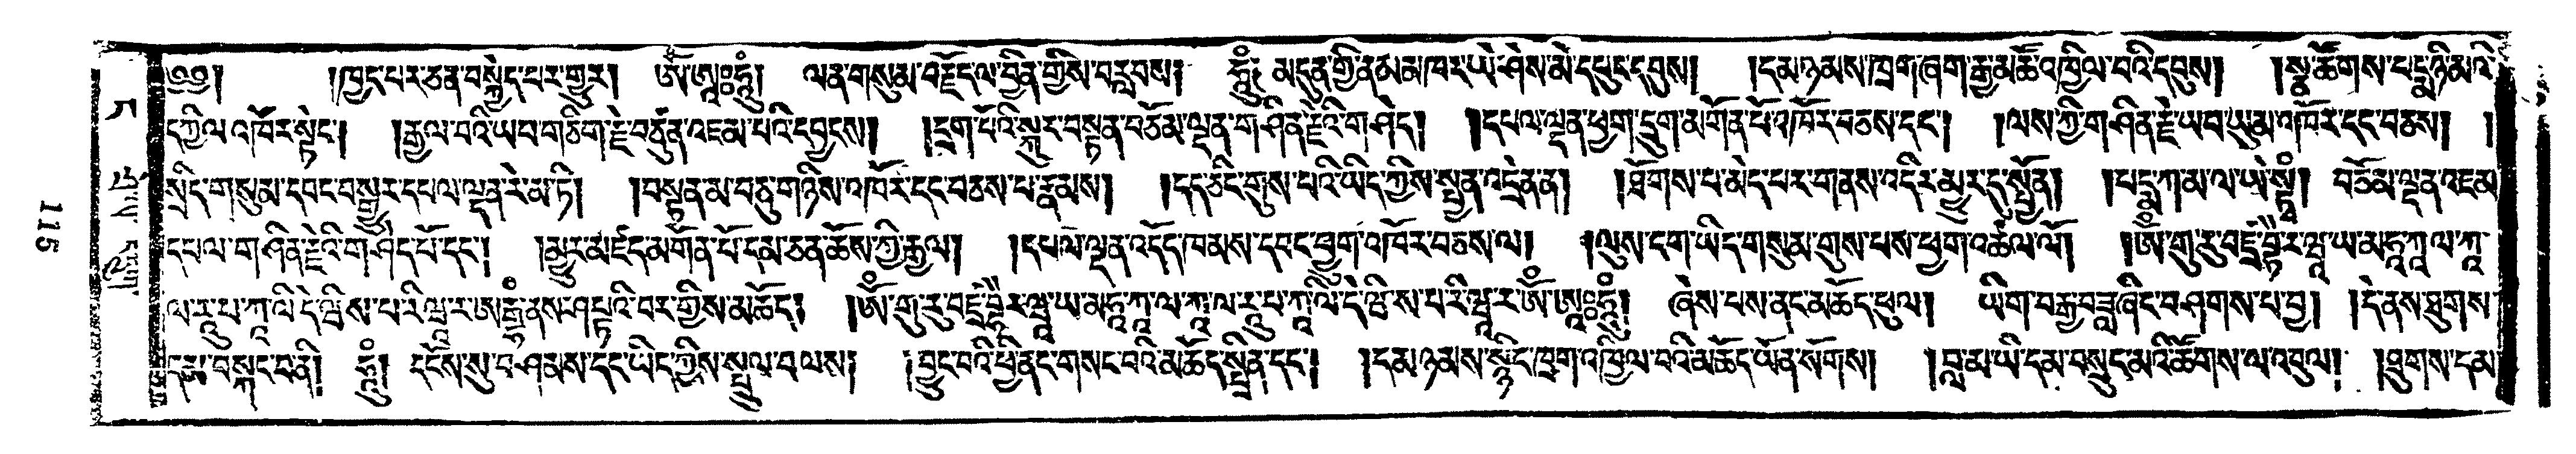༄༅། །ཁྱད་པར་ཅན་བསྐྱེད་པར་གྱུར། ཨོཾ་ཨཱཿ ཧཱུཾ། ལན་གསུམ་བརྗོད་ལ་བྱིན་གྱིས་བརླབས། ཧཱུཾ༑ མདུན་གྱི་ནམ་མཁར་ཡེ་ཤེས་མེ་དཔུང་དབུས། །དམ་ཉམས་ཁྲག་ཞག་རྒྱ་མཚོ་འཁྱིལ་བའི་དབུས། །སྣ་ཚོགས་པདམ་ཉི་མའི་
དཀྱིལ་འཁོར་སྟེང་། །རྒྱལ་བའི་ཡབ་གཅིག་རྗེ་བཙུན་འཇམ་པའི་དབྱངས། །དྲག་པོའི་སྐུར་བསྟན་བཅོམ་ལྡན་གཤིན་རྗེའི་གཤེད། །དཔལ་ལྡན་ཕྱག་དྲུག་མགོན་པོ་འཁོར་བཅས་དང་། །ལས་ཀྱི་གཤིན་རྗེ་ཡབ་ཡུམ་འཁོར་དང་བཅས། །
སྲིད་གསུམ་དབང་བསྒྱུར་དཔལ་ལྡན་རེ་མ་ཏི། །བསྟན་མ་བཅུ་གཉིས་འཁོར་དང་བཅས་པ་རྣམས། །དད་ཅིང་གུས་པའི་ཡིད་ཀྱིས་སྤྱན་འདྲེན་ན། །ཐོགས་པ་མེད་པར་གནས་འདིར་མྱུར་དུ་སྤྱོན། །པདམ་ཀ་མ་ལ་ཡེ་སྟྭཾ། བཅོམ་ལྡན་འཇམ་
དཔལ་གཤིན་རྗེའི་གཤེད་པོ་དང་། །མྱུར་མཛད་མགོན་པོ་དམ་ཅན་ཆོས་ཀྱི་རྒྱལ། །དཔལ་ལྡན་འདོད་ཁམས་དབང་ཕྱུག་འཁོར་བཅས་ལ། །ལུས་ངག་ཡིད་གསུམ་གུས་པས་ཕྱག་འཚལ་ལོ། །ཨོཾ་གུ་རུ་བཛྲ་བྷཻ་ར་ཝཱ་ཡ་མཧཱ་ཀཱ་ལ་ཀཱ་
ལ་རཱུ་པ་ཀཱ་ལི་དེ་ཝི་ས་པ་རི་ཝཱ་ར་ཨརྒྷཾ་ནས་ཤཔྟའི་བར་གྱིས་མཆོད། །ཨོཾ་གུ་རུ་བཛྲ་བྷཻ་ར་ཝཱ་ཡ་མཧཱ་ཀཱ་ལ་ཀཱ་ལ་རཱུ་པ་ཀཱ་ལི་དེ་ཝི་ས་པ་རི་ཝཱ་ར་ཨོཾ་ཨཱཿ ཧཱུཾ། ཞེས་པས་ནང་མཆོད་ཕུལ། ཡིག་བརྒྱ་བཟླ་ཞིང་བཤགས་པ་བྱ། །དེ་ནས་ཐུགས་
དམ་བསྐང་བ་ནི། ཧཱུཾ། དངོས་སུ་བཤམས་དང་ཡིད་ཀྱིས་སྤྲུལ་བ་ལས། །བྱུང་བའི་ཕྱི་ནང་གསང་བའི་མཆོད་སྤྲིན་དང་། །དམ་ཉམས་སྙིང་ཁྲག་འཁྱིལ་བའི་མཆོད་ཡོན་སོགས། །བླ་མ་ཡི་དམ་བསྲུང་མའི་ཚོགས་ལ་འབུལ། །ཐུགས་དམ་